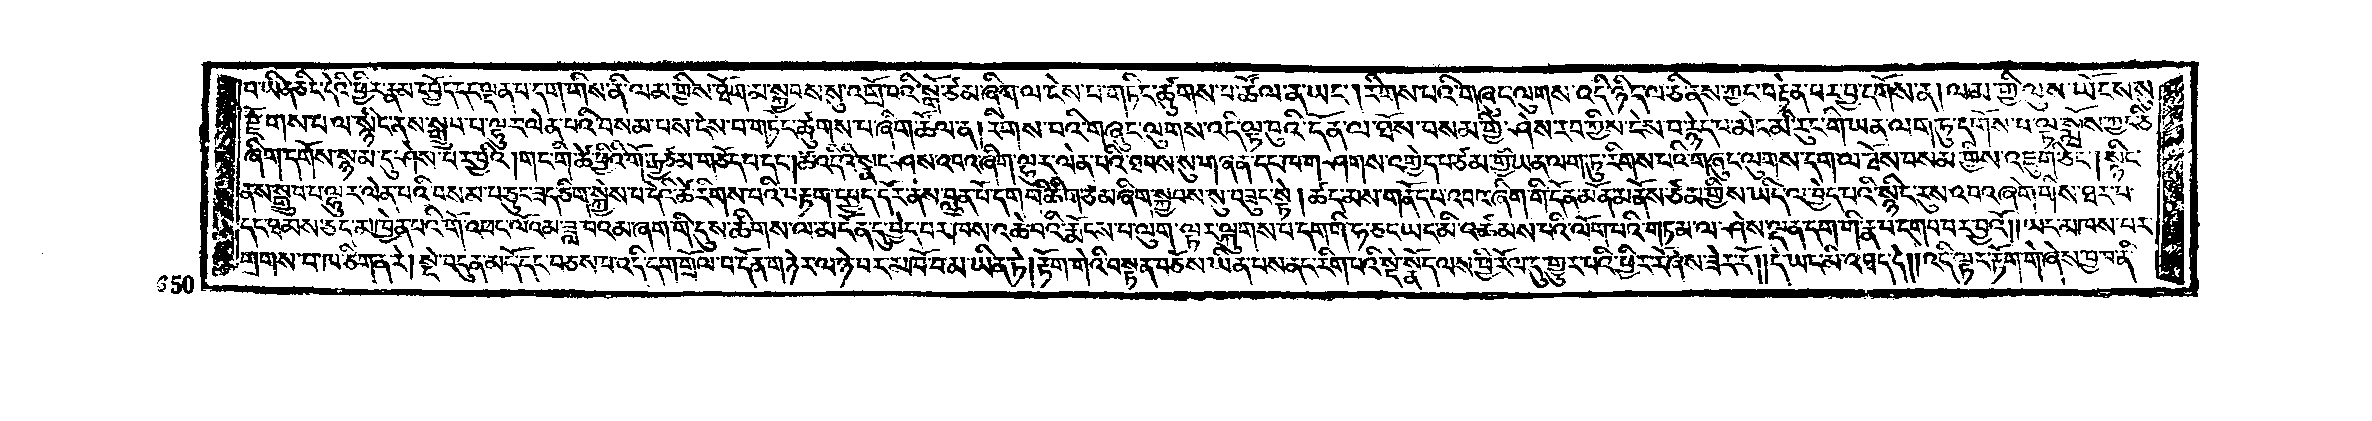བ་ཡིན་ཅིང་དེའི་ཕྱིར་རྣམ་དཔྱོད་དང་ལྡན་པ་དག་གིས་ནི་ལམ་གྱིས་ཐོག་མ་སྐྱབས་སུ་འགྲོ་བའི་སྒོ་ཙམ་ཞིག་ལ་ངེས་པ་གཏིང་ཚུགས་པ་ཚོལ་ན་ཡང་། རིགས་པའི་གཞུང་ལུགས་འདི་ཉིད་ལ་ཅི་ནས་ཀྱང་བརྟེན་པར་བྱ་དགོས་ན། ལམ་གྱི་ལུས་ཡོངས་སུ་
རྫོགས་པ་ལ་སྙིང་ནས་སྒྲུབ་པ་ལྷུར་ལེན་པའི་བསམ་པས་ངེས་པ་གཏིང་ཚུགས་པ་ཞིག་ཚོལ་ན། རིགས་པའི་གཞུང་ལུགས་འདི་ལྟ་བུའི་དོན་ལ་ཐོས་བསམ་གྱི་ཤེས་རབ་ཀྱིས་ངེས་པ་རྙེད་པ་མེད་མི་རུང་གི་ཡན་ལག་ཏུ་དགོས་པ་ལྟ་སྨྲོས་ཀྱང་ཅི་
ཞིག་དགོས་སྙམ་དུ་ཤེས་པར་བྱའི། གང་གི་ཚེ་ཕྱིའི་གོ་རྒྱ་ཙམ་གཅོད་པ་དང་། ཚེ་འདིའི་སྣང་ཤས་འབའ་ཞིག་ལྷུར་ལེན་པའི་ཐབས་སུ་གཞན་དང་ཁ་གཤགས་འགྱེད་པ་ཙམ་གྱི་ཡན་ལག་ཏུ་རིགས་པའི་གཞུང་ལུགས་དག་ལ་ཐོས་བསམ་གྱིས་འཇུག་ཅིང་། སྙིང་
ནས་སྒྲུབ་པ་ལྷུར་ལེན་པའི་བསམ་པ་ཅུང་ཟད་ཅིག་སྐྱེས་པ་དེའི་ཚེ་རིགས་པའི་བརྟག་དཔྱད་དོར་ནས་བླུན་པོ་དག་གི་ཚིག་ཙམ་ཞིག་སྐྱབས་སུ་བཟུང་སྟེ། ཚད་མས་གནོད་པ་འབའ་ཞིག་གི་དོན་མོན་མནོས་ཙམ་གྱིས་ཡིད་ལ་བྱེད་པའི་སྙིང་རུས་འབའ་ཞིག་གིས་ཐར་པ་
དང་ཐམས་ཅད་མཁྱེན་པའི་གོ་འཕང་ལོའམ་ཟླ་བའམ་ཞག་གི་དུས་ཚིགས་ལ་མངོན་དུ་བྱེད་པར་ཁས་འཆེ་བའི་རྨོངས་པ་ལུག་ལྟར་ལྐུགས་པ་དག་གི་ཧ་ཅང་ཡང་མི་འཚམས་པའི་ལོག་པའི་གཏམ་ལ་ཤེས་ལྡན་དག་གི་རྣ་བ་དགབ་བར་བྱའོ། །ཡང་མཁས་པར་
གྲགས་པ་ཁ་ཅིག་ན་རེ། སྡེ་བདུན་མདོ་དང་བཅས་པ་འདི་དག་གྲོལ་བ་དོན་གཉེར་ལ་ཉེ་བར་མཁོ་བ་མ་ཡིན་ཏེ། རྟོག་གེའི་བསྟན་བཅོས་ཡིན་པས་ནང་རིག་པའི་སྡེ་སྣོད་ལས་ཕྱི་རོལ་དུ་གྱུར་པའི་ཕྱིར་རོ་ཞེས་ཟེར་རོ། །དེ་ཡང་མི་འཐད་དེ། །འདི་ལྟར་རྟོག་གེ་ཞེས་བྱ་བ་ནི་